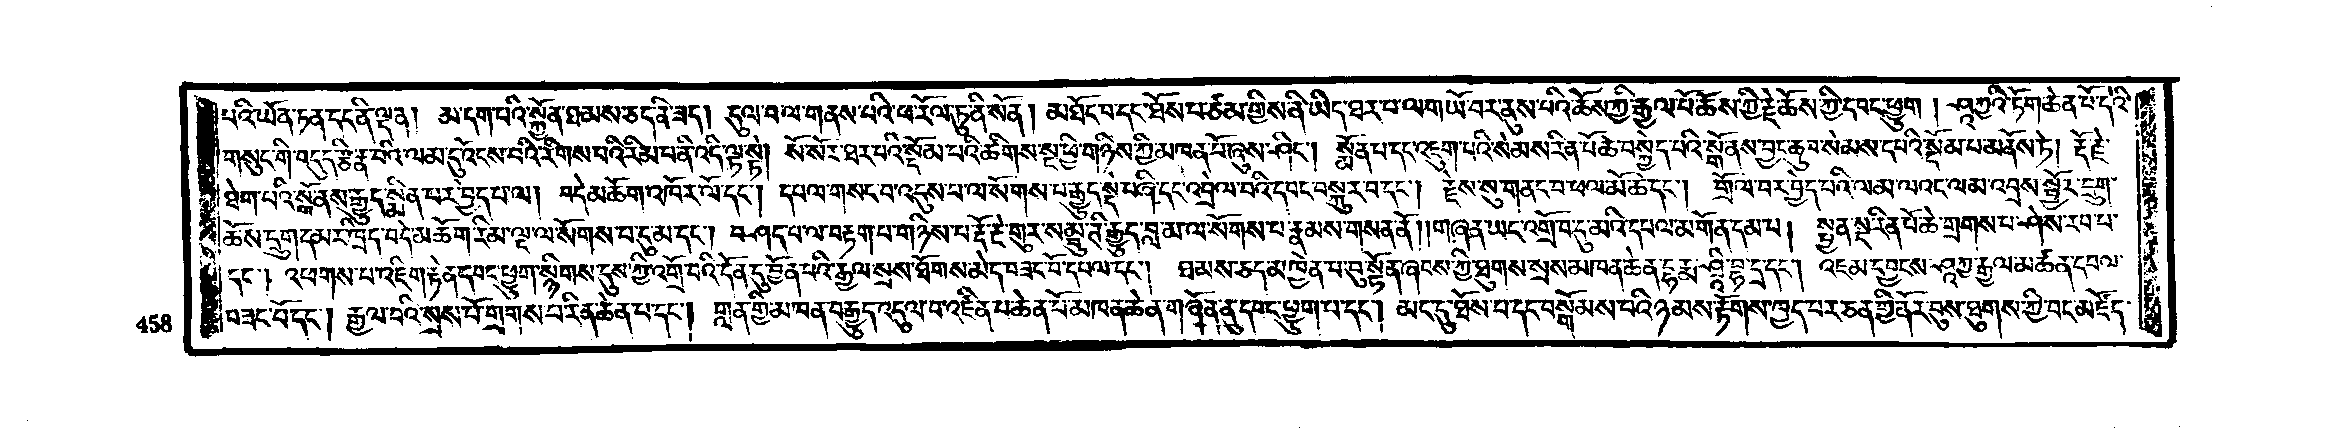པའི་ཡོན་ཏན་དང་ནི་ལྡན། མ་དག་པའི་སྐྱོན་ཐམས་ཅད་ནི་ཟད། དུལ་བ་ལ་གནས་པའི་ཕ་རོལ་ཏུ་ནི་སོན། མཐོང་བ་དང་ཐོས་པ་ཙམ་གྱིས་ནི་ཡིད་ཐར་པ་ལ་གཡོ་བར་ནུས་པའི་ཆོས་ཀྱི་རྒྱལ་པོ་ཆོས་ཀྱི་རྗེ་ཆོས་ཀྱི་དབང་ཕྱུག །ཤཱཀྱའི་ཏོག་ཆེན་པོ་དེའི་
གསུང་གི་བདུད་རྩི་རྣ་བའི་ལམ་དུ་འོངས་པའི་རིགས་པའི་རིམ་པ་ནི་འདི་ལྟ་སྟེ། སོ་སོར་ཐར་པའི་སྡོམ་པའི་ཚིགས་སྔ་ཕྱི་གཉིས་ཀྱི་མཁན་པོ་ཞུས་ཤིང་། སྨོན་པ་དང་འཇུག་པའི་སེམས་རིན་པོ་ཆེ་བསྐྱེད་པའི་སྒོ་ནས་བྱང་ཆུབ་སེམས་དཔའི་སྡོམ་པ་མནོས་ཏེ། རྡོ་རྗེ་
ཐེག་པའི་སྒོ་ནས་རྒྱུད་སྨིན་པར་བྱེད་པ་ལ། བདེ་མཆོག་འཁོར་ལོ་དང་། དཔལ་གསང་བ་འདུས་པ་ལ་སོགས་པ་རྒྱུད་སྡེ་བཞི་དང་འབྲེལ་བའི་དབང་བསྐུར་བ་དང་། རྗེས་སུ་གནང་བ་ཕལ་མོ་ཆེ་དང་། གྲོལ་བར་བྱེད་པའི་ལམ་ལའང་ལམ་འབྲས་སྦྱོར་དྲུག་
ཆོས་དྲུག་དམར་ཁྲིད་བདེ་མཆོག་རིམ་ལྔ་ལ་སོགས་པ་དུ་མ་དང་། བཤད་པ་ལ་བརྟག་པ་གཉིས་པ་རྡོ་རྗེ་གུར་སམྦུ་ཊི་རྒྱུད་བླ་མ་ལ་སོགས་པ་རྣམས་གསན་ནོ། །གཞན་ཡང་འགྲོ་བ་དུ་མའི་དཔལ་མགོན་དམ་པ། སྤྱན་སྔ་རིན་པོ་ཆེ་གྲགས་པ་ཤེས་རབ་པ་
དང་། འཕགས་པ་འཇིག་རྟེན་དབང་ཕྱུག་སྙིགས་དུས་ཀྱི་འགྲོ་བའི་དོན་དུ་བྱོན་པའི་རྒྱལ་སྲས་ཐོགས་མེད་བཟང་པོ་དཔལ་དང་། ཐམས་ཅད་མཁྱེན་པ་བུ་སྟོན་ཞབས་ཀྱི་ཐུགས་སྲས་མཁན་ཆེན་དྷརྨ་ཤྲཱི་བྷ་དྲ་དང་། འཇམ་དབྱངས་ཤཱཀྱ་རྒྱལ་མཚན་དཔལ་
བཟང་པོ་དང་། རྒྱལ་བའི་སྲས་པོ་གྲགས་པ་རིན་ཆེན་པ་དང་། གླན་གྱི་མཁན་བརྒྱུད་འདུལ་བ་འཛིན་པ་ཆེན་པོ་མཁན་ཆེན་གཞོན་ནུ་དབང་ཕྱུག་པ་དང་། མང་དུ་ཐོས་པ་དང་བསྒོམས་པའི་ཉམས་རྟོགས་ཁྱད་པར་ཅན་གྱི་ནོར་བུས་ཐུགས་ཀྱི་